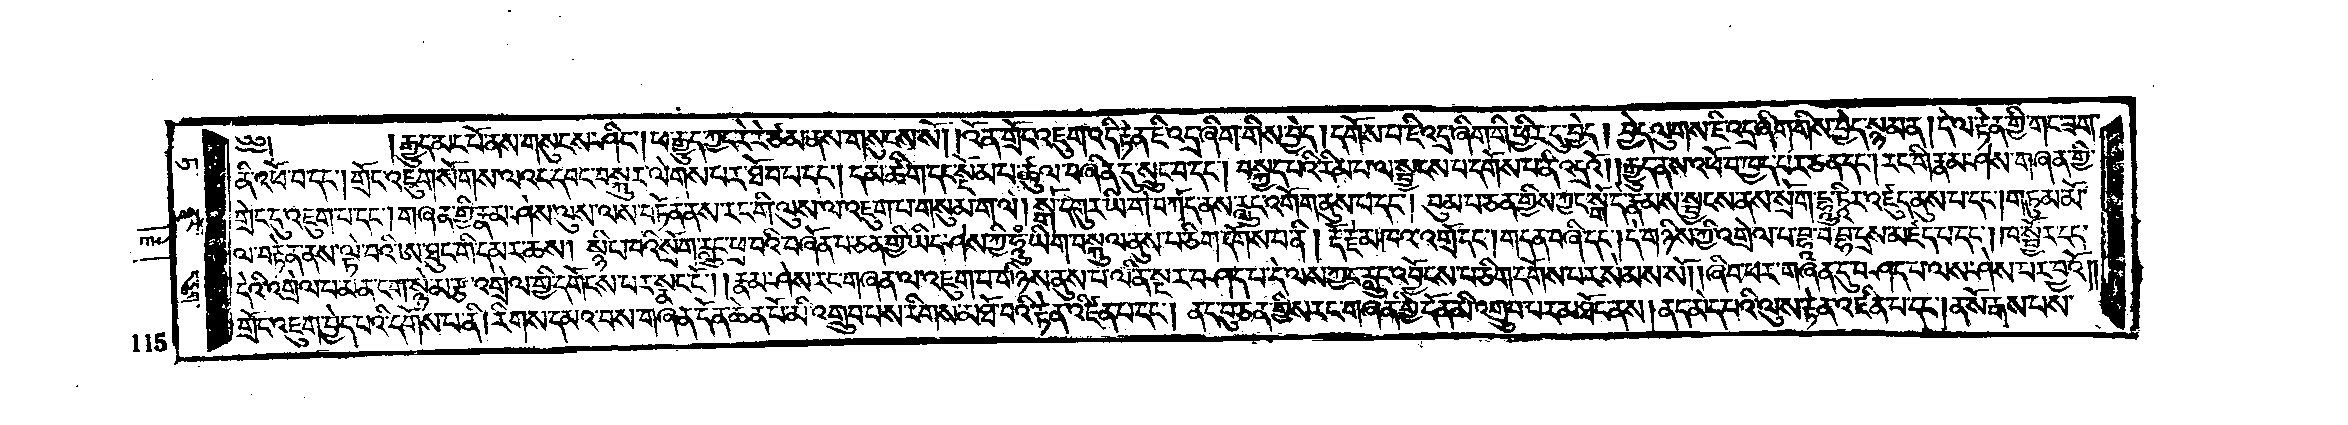༄༅། །རྒྱུད་མང་པོ་ནས་གསུངས་ཤིང་། ཕ་རྒྱུད་ཀྱང་རེ་རེ་ཙམ་ནས་གསུངས་སོ། །འོ་ན་གྲོང་འཇུག་འདི་རྟེན་ཇི་འདྲ་ཞིག་གིས་བྱེད། དགོས་པ་ཇི་འདྲ་ཞིག་གི་ཕྱིར་དུ་བྱེད། བྱེད་ལུགས་ཇི་འདྲ་ཞིག་གིས་བྱེད་སྙམ་ན། དེ་ལ་རྟེན་གྱི་གང་ཟག་
ནི་འཕོ་བ་དང་། གྲོང་འཇུག་སོགས་ལའང་དབང་བསྐུར་ལེགས་པར་ཐོབ་པ་དང་། དམ་ཚིག་དང་སྡོམ་པ་ཚུལ་བཞིན་དུ་སྲུང་བ་དང་། བསྐྱེད་པའི་རིམ་པ་ལ་སྦྱངས་པ་དགོས་པ་ནི་འདྲའོ། །རྒྱུད་ནས་འཕོ་བ་ཁྱད་པར་ཅན་དང་། རང་གི་རྣམ་ཤེས་གཞན་གྱི་
གྲོང་དུ་འཇུག་པ་དང་། གཞན་གྱི་རྣམ་ཤེས་ལུས་ལས་བཏོན་ནས་རང་གི་ལུས་ལ་འཇུག་པ་གསུམ་ག་ལ། སྒོ་དགུར་ཡི་གེ་བཀོད་ནས་རླུང་འགོག་ནུས་པ་དང་། བུམ་པ་ཅན་གྱིས་ཀྱང་སྒོ་དེ་རྣམས་སྦྱངས་ནས་སྲོག་དྷཱུ་ཏཱིར་འཛུད་ནུས་པ་དང་། གཏུམ་མོ་
ལ་བརྟེན་ནས་ལྟེ་བའི་ཨ་ཐུང་གི་དམར་ཆས། སྙིང་ཁའི་སྲོག་རླུང་ཕྲ་བའི་བཞོན་པ་ཅན་གྱི་ཡིད་ཤེས་ཀྱི་ཧཱུཾ་ཡིག་བསྐུལ་ནུས་པ་ཅིག་དགོས་པ་ནི། རྡོ་རྗེ་མཁའ་འགྲོ་དང་། གདན་བཞི་དང་། དེ་གཉིས་ཀྱི་འགྲེལ་པ་བྷཱ་བ་བྷ་དྲས་མཛད་པ་དང་། ཁ་སྦྱོར་དང་
དེའི་འགྲེལ་པ་མན་ངག་སྙེ་མ་རྩ་འགྲེལ་གྱི་དགོངས་པར་སྣང་ངོ། །རྣམ་ཤེས་རང་གཞན་ལ་འཇུག་པ་གཉིས་ནུས་པ་ལ་ནི་སྔར་བཤད་པ་དེ་ལས་ཀྱང་རླུང་འབྱོངས་པ་ཅིག་དགོས་པར་སེམས་སོ། །ཞིབ་པར་གཞན་དུ་བཤད་པ་ལས་ཤེས་པར་བྱའོ། །
གྲོང་འཇུག་བྱེད་པའི་དགོས་པ་ནི། རིགས་དམའ་བས་གཞན་དོན་ཆེན་པོ་མི་འགྲུབ་པས་རིགས་མཐོ་བའི་རྟེན་འཛིན་པ་དང་། ནད་བུ་ཅན་གྱིས་རང་གཞན་གྱི་དོན་མི་འགྲུབ་པར་མཐོང་ནས། ནད་མེད་པའི་ལུས་རྟེན་འཛིན་པ་དང་། ན་སོ་རྒས་པས་